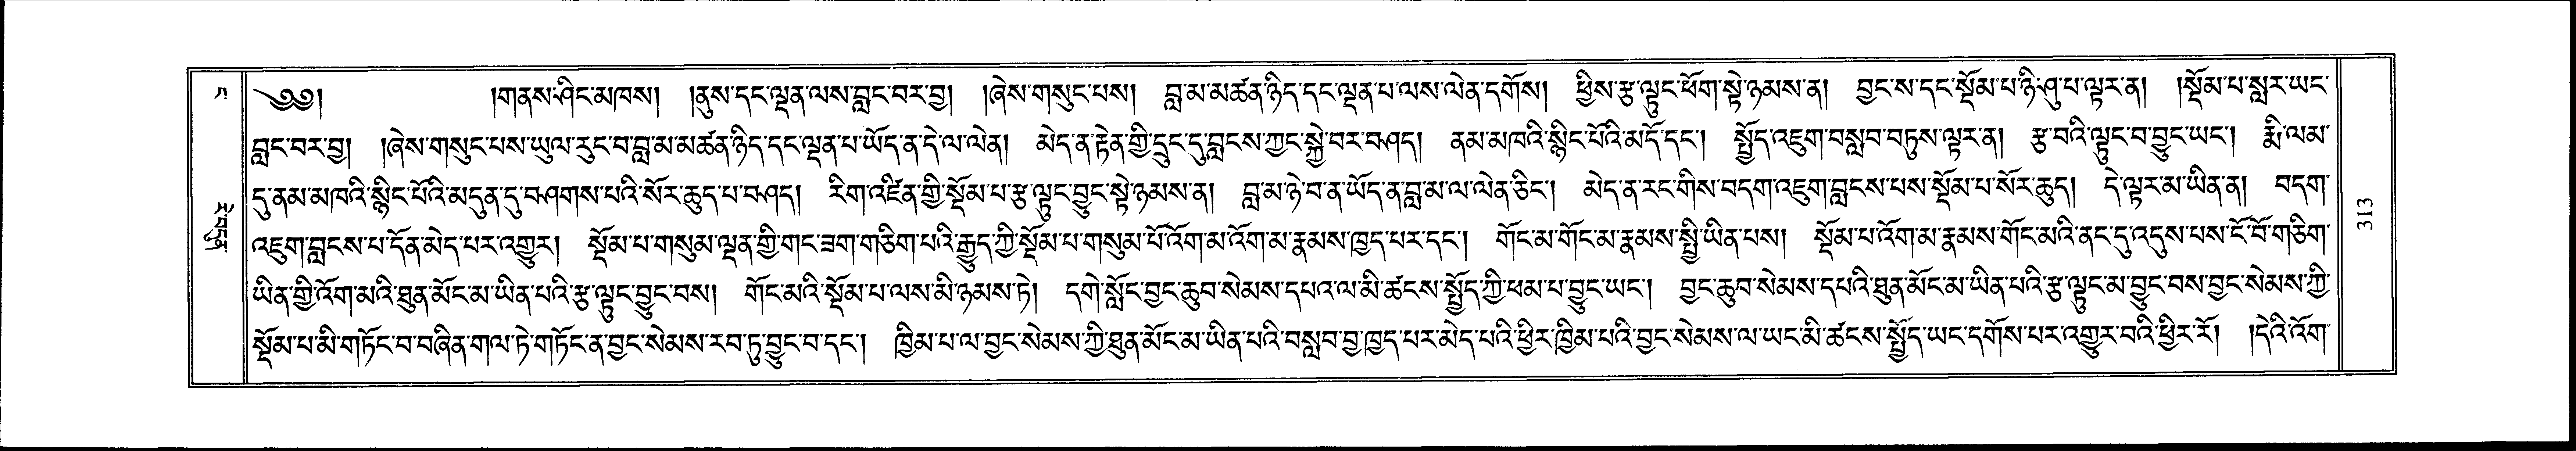༄༅། །གནས་ཤིང་མཁས། །ནུས་དང་ལྡན་ལས་བླང་བར་བྱ། །ཞེས་གསུང་པས། བླ་མ་མཚན་ཉིད་དང་ལྡན་པ་ལས་ལེན་དགོས། ཕྱིས་རྩ་ལྟུང་ཕོག་སྟེ་ཉམས་ན། བྱང་ས་དང་སྡོམ་པ་ཉི་ཤུ་པ་ལྟར་ན། །སྡོམ་པ་སླར་ཡང་
བླང་བར་བྱ། །ཞེས་གསུང་པས་ཡུལ་རུང་བ་བླ་མ་མཚན་ཉིད་དང་ལྡན་པ་ཡོད་ན་དེ་ལ་ལེན། མེད་ན་རྟེན་གྱི་དྲུང་དུ་བླངས་ཀྱང་སྐྱེ་བར་བཤད། ནམ་མཁའི་སྙིང་པོའི་མདོ་དང་། སྤྱོད་འཇུག་བསླབ་བཏུས་ལྟར་ན། རྩ་བའི་ལྟུང་བ་བྱུང་ཡང་། རྨི་ལམ་
དུ་ནམ་མཁའི་སྙིང་པོའི་མདུན་དུ་བཤགས་པའི་སོར་ཆུད་པ་བཤད། རིག་འཛིན་གྱི་སྡོམ་པ་རྩ་ལྟུང་བྱུང་སྟེ་ཉམས་ན། བླ་མ་ཉེ་བ་ན་ཡོད་ན་བླ་མ་ལ་ལེན་ཅིང་། མེད་ན་རང་གིས་བདག་འཇུག་བླངས་པས་སྡོམ་པ་སོར་ཆུད། དེ་ལྟར་མ་ཡིན་ན། བདག་
འཇུག་བླངས་པ་དོན་མེད་པར་འགྱུར། སྡོམ་པ་གསུམ་ལྡན་གྱི་གང་ཟག་གཅིག་པའི་རྒྱུད་ཀྱི་སྡོམ་པ་གསུམ་པོ་འོག་མ་འོག་མ་རྣམས་ཁྱད་པར་དང་། གོང་མ་གོང་མ་རྣམས་སྤྱི་ཡིན་པས། སྡོམ་པ་འོག་མ་རྣམས་གོང་མའི་ནང་དུ་འདུས་པས་ངོ་བོ་གཅིག་
ཡིན་གྱི་འོག་མའི་ཐུན་མོང་མ་ཡིན་པའི་རྩ་ལྟུང་བྱུང་བས། གོང་མའི་སྡོམ་པ་ལས་མི་ཉམས་ཏེ། དགེ་སློང་བྱང་ཆུབ་སེམས་དཔའ་ལ་མི་ཚང་སྤྱོད་ཀྱི་ཕམ་པ་བྱུང་ཡང་། བྱང་ཆུབ་སེམས་དཔའི་ཐུན་མོང་མ་ཡིན་པའི་རྩ་ལྟུང་མ་བྱུང་བས་བྱང་སེམས་ཀྱི་
སྡོམ་པ་མི་གཏོང་བ་བཞིན་གལ་ཏེ་གཏོང་ན་བྱང་སེམས་རབ་ཏུ་བྱུང་བ་དང་། ཁྱིམ་པ་ལ་བྱང་སེམས་ཀྱི་ཐུན་མོང་མ་ཡིན་པའི་བསླབ་བྱ་ཁྱད་པར་མེད་པའི་ཕྱིར་ཁྱིམ་པའི་བྱང་སེམས་ལ་ཡང་མི་ཚངས་སྤྱོད་ཡང་དགོས་པར་འགྱུར་བའི་ཕྱིར་རོ། །དེའི་འོག་